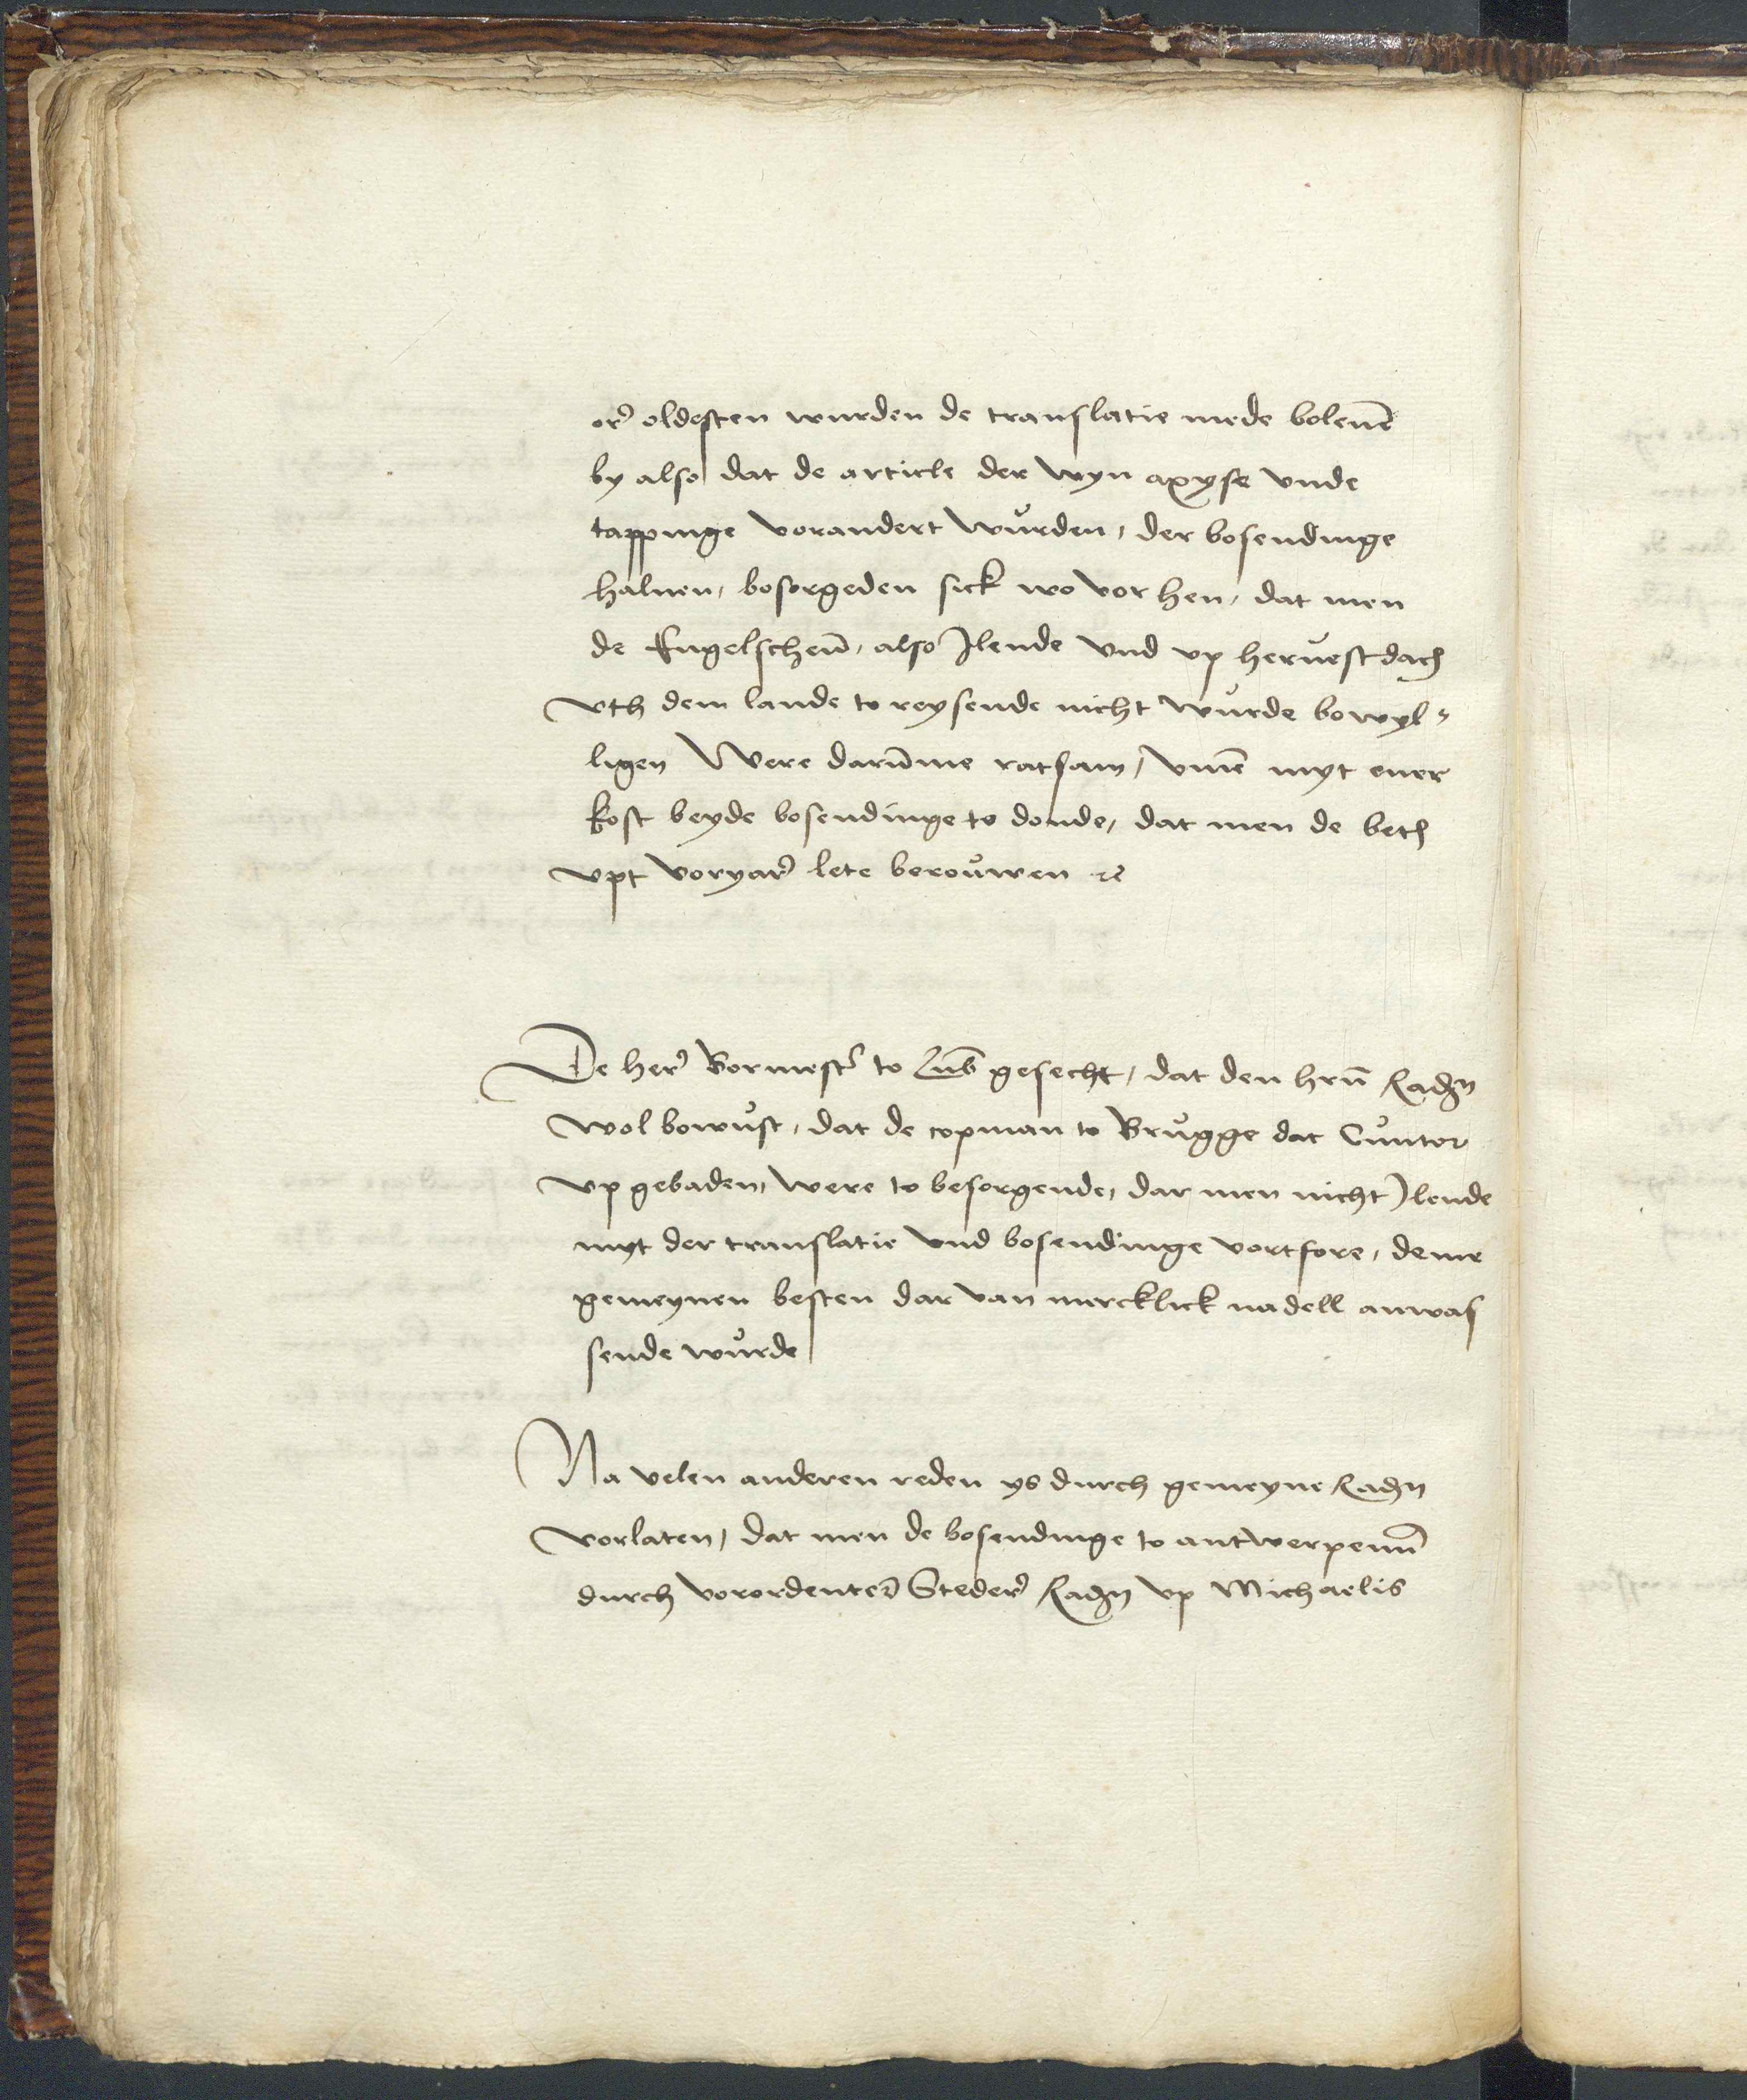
ore oldesten wurden de translatie mede boleuen
by also dat de article der wyn axyse vnde
tappinge vorandert wurden, der bosendinge
haluen, bosorgeden sick wo vorhen, dat men
de Engelschen, also Jlende vnd vp heruestdach
vth dem lande to reysende nicht wurde bowyl¬
ligen Were darumme ratsam, vmme myt ener
kost beyde bosendinge to doinde, dat men de beth
vpt voryare lete berouwen etc
De her Bormester to Lubeck gesecht, dat den hern Radessendebaden
wol bewust, dat de copman to Brugge dat Cuntor
vp gebaden, were to besorgende, dar men nicht Ilende
myt der translatie vnd bosendinge vortfare, deme
gemeynen besten dar van merclick nadell anwas¬
sende wurde
Na velen anderen reden ys durch gemeyne Radessendebaden
vorlaten, dat men de bosendinge to antwerpenn
durch vorordenter Steder Radessendebaden vp Michaelis
